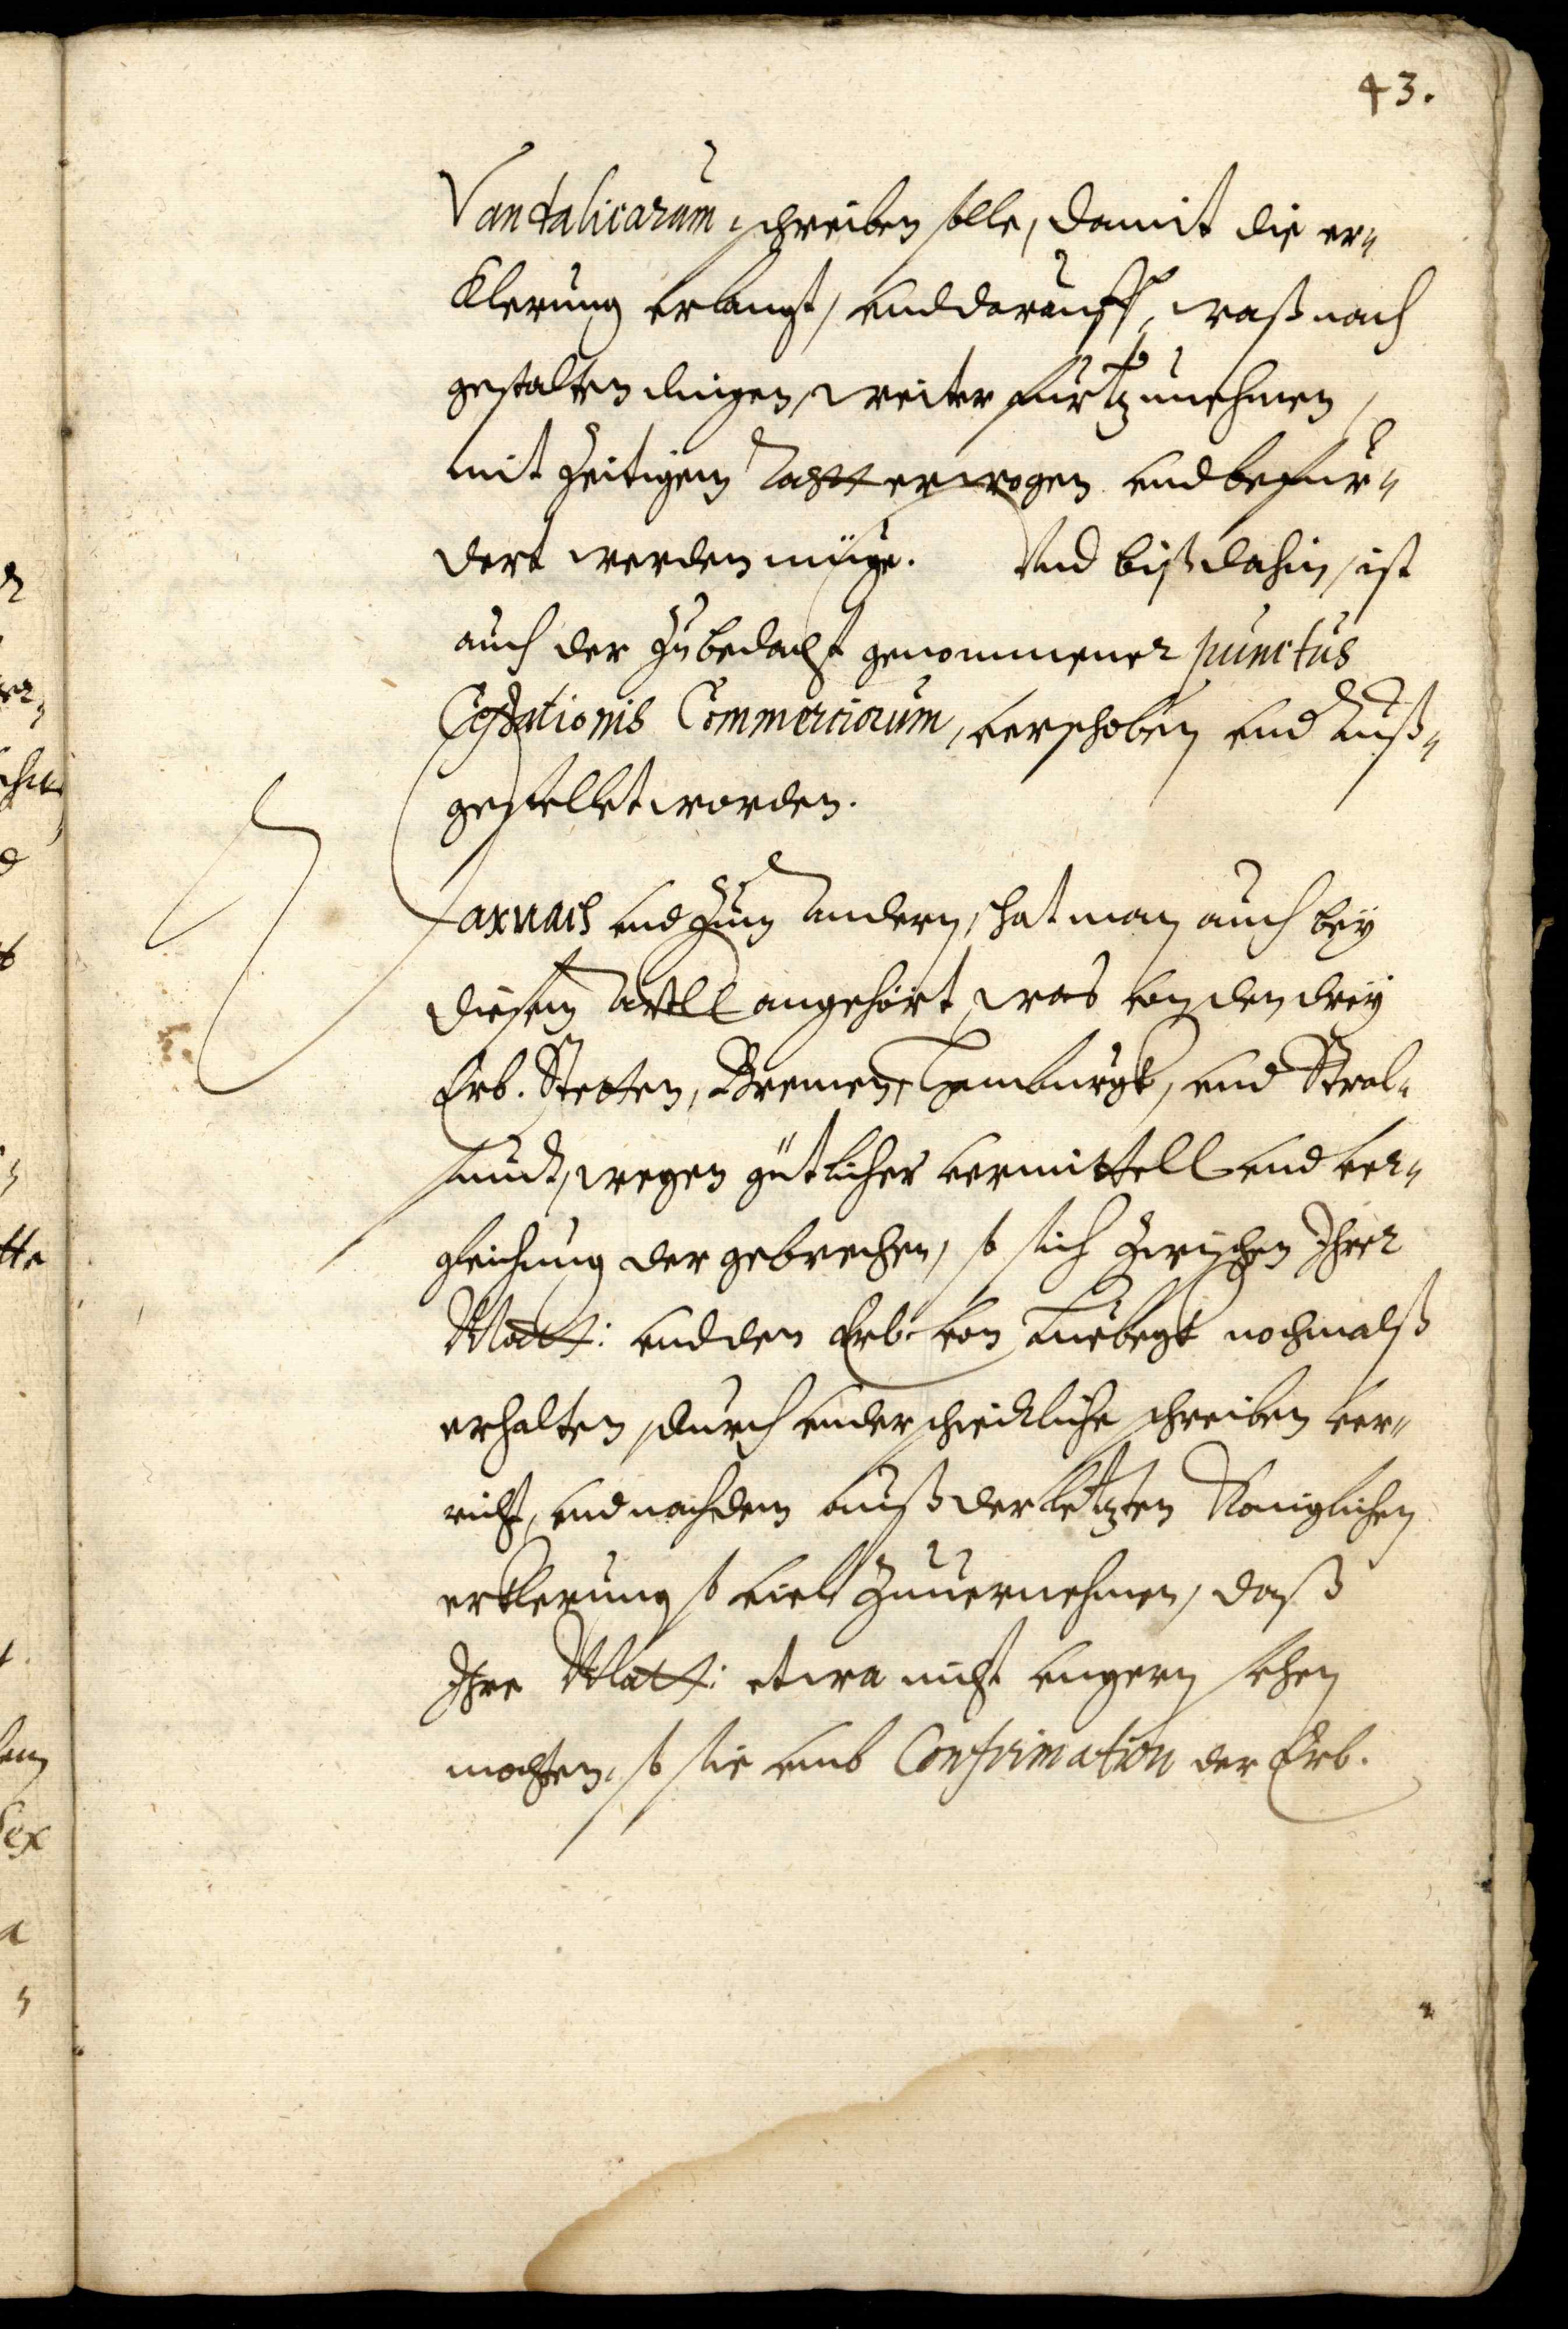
43.
Vandalicarum schreiben solle, damit die er¬
klerung erlangt, vnddarauff, waß nach
gestalten dingen, weiter furtzunehmen
vnd zeitigen rahtt erwogen vnd befur¬
dert werden möge, Vnd bißdahin, ist
auch der zubedacht genommener punctus
Cessationis Commerciarum, verschoben vnd Auß¬
gestellet worden.
Darraus vnd zum Andern, hat man auch beij
diesem Artll angehört, was von den dreij
Erb. Stetten, Bremen, Hamburgk, vnd Stral¬
sundt wegen gütlicher vermittell vnd ver¬
gleichung der gebrechen, so sich zwischen Ihrer
Matt: vnd den Erb. von Lubegk nochmalß
erhalten, durch vnderschiedliche schreiben ver¬
richt, nachdem Auß der letzten Koniglichen
erklerung soviel zuuernehmen, daß
Ihre Matt: etwas nicht wegen sehen
mochten, so sie umb confirmation der Erb.
